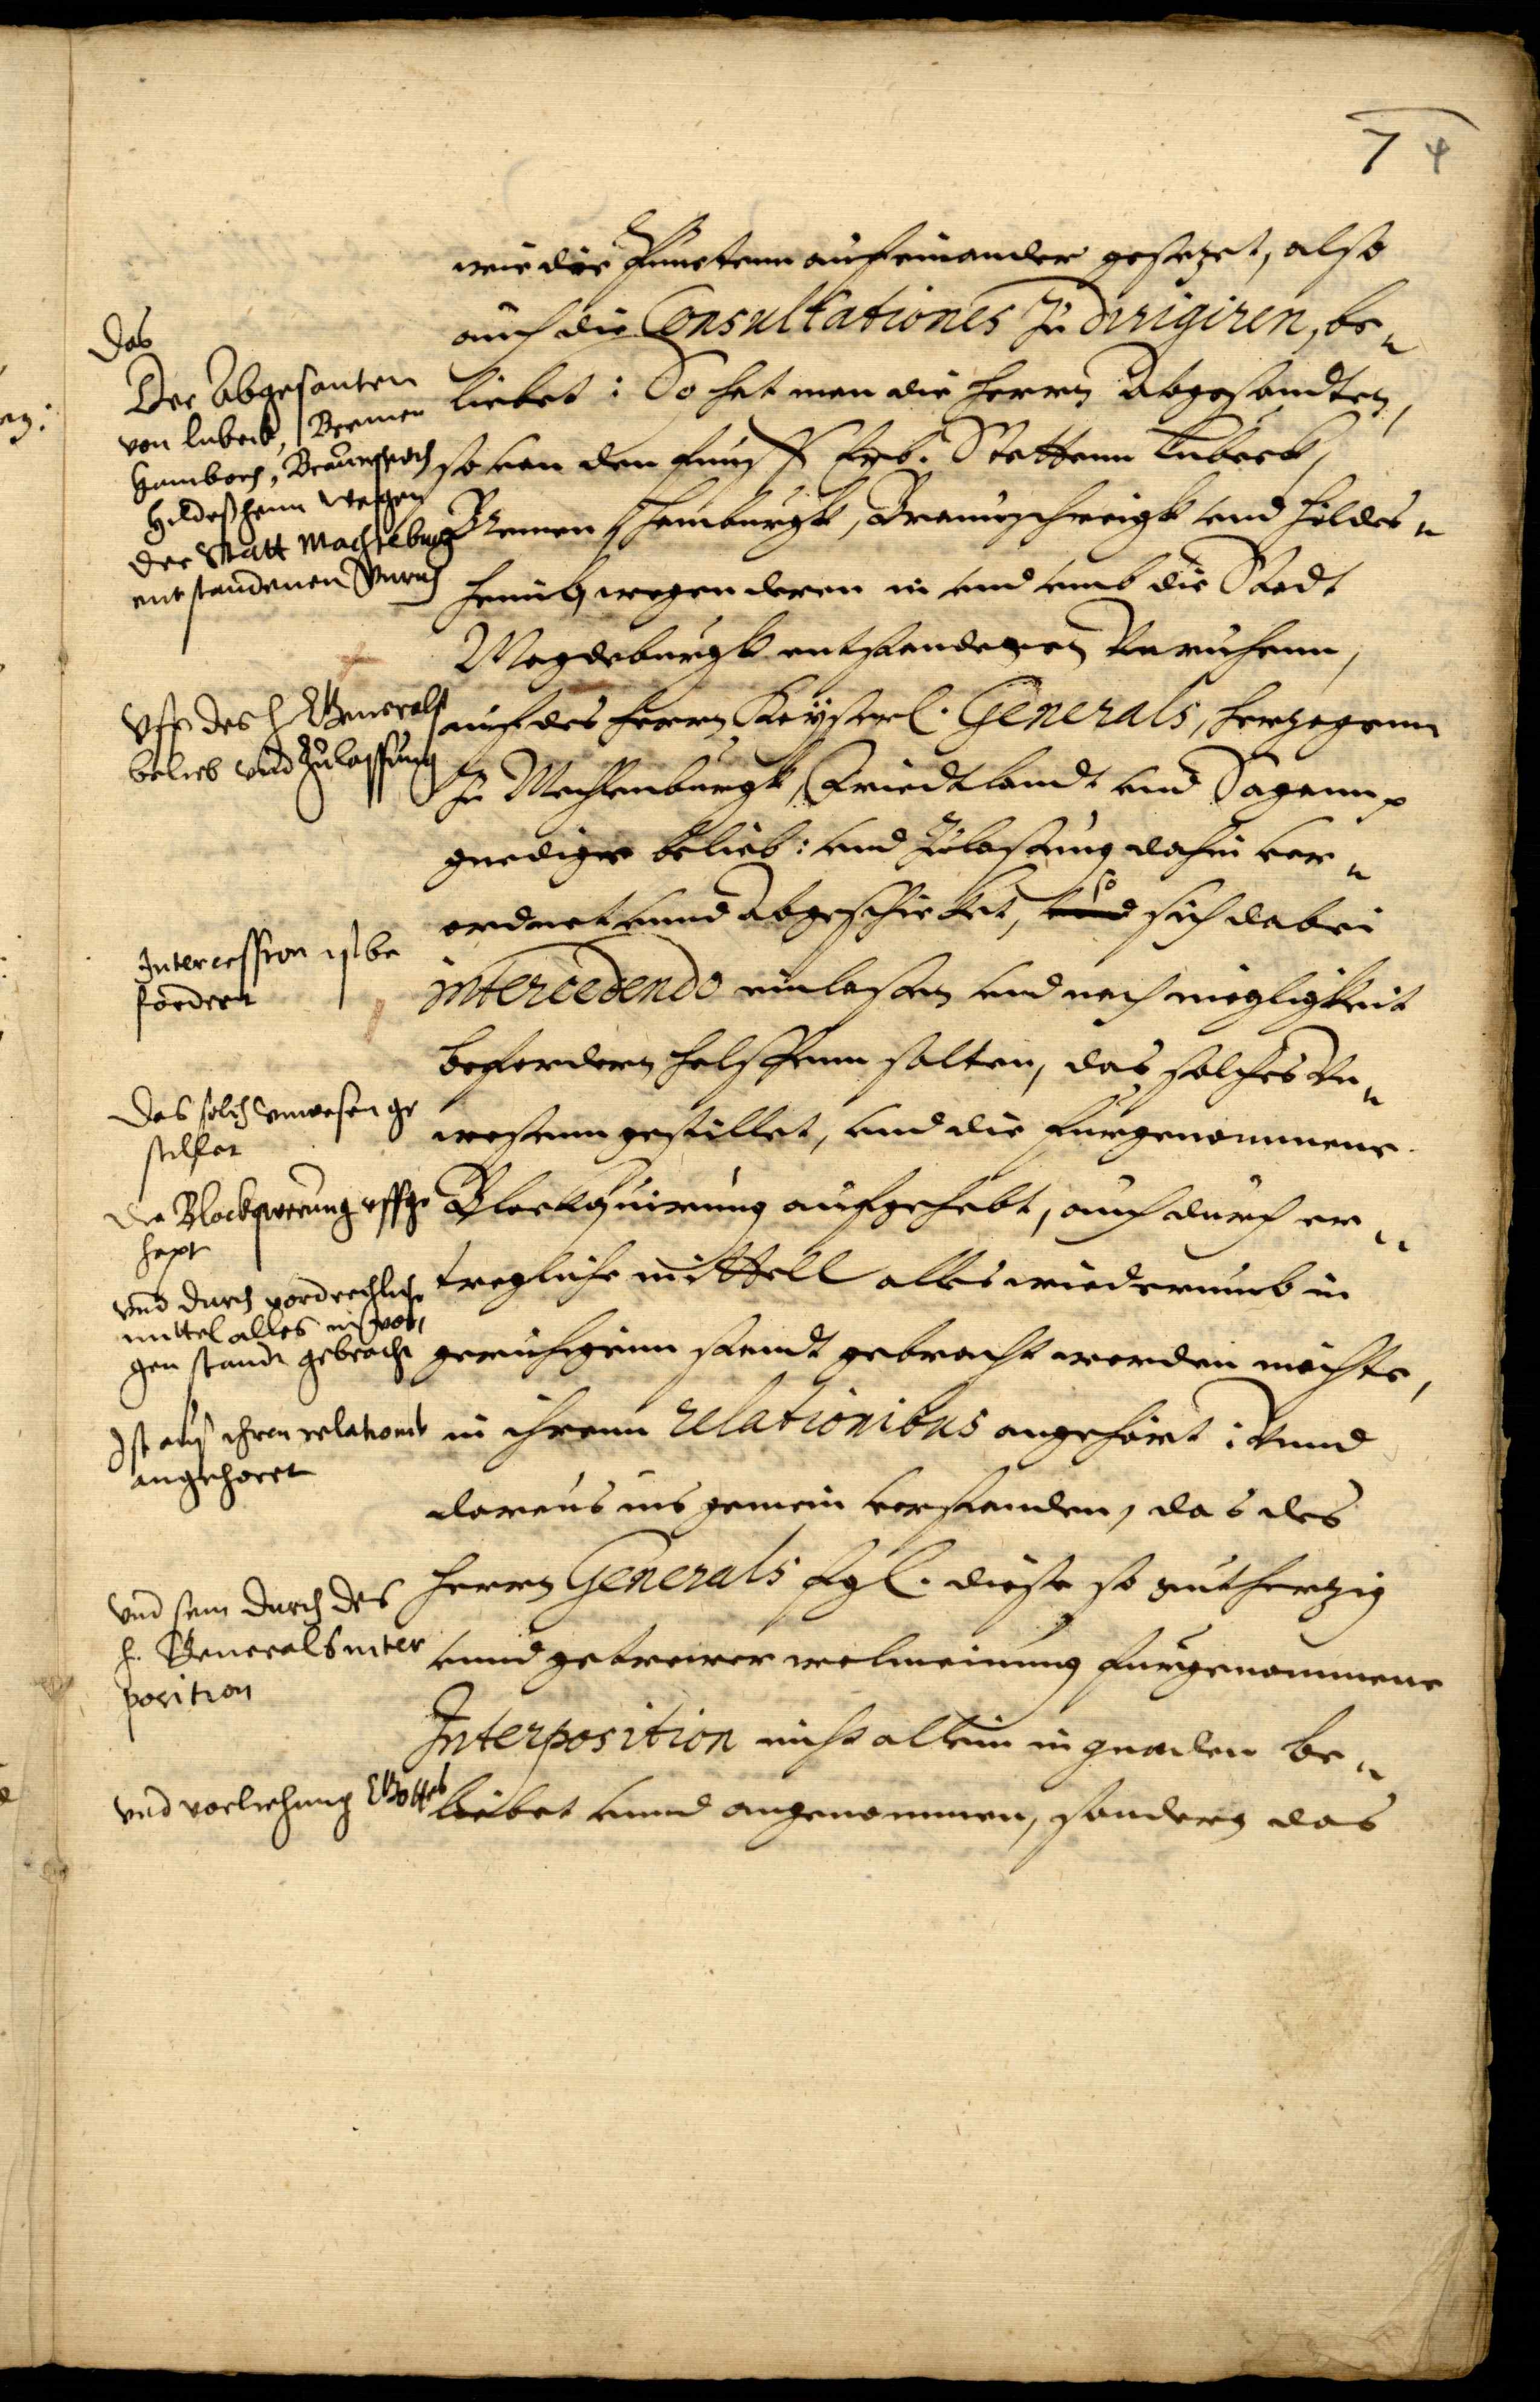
7
das
Der Abgesanten
von lubeck, Bremen
hamborch, braunshwih
hildeßheim wegen
der Statt Machteburg
entstandenen Unruh
Vff des H Generals
belieb vnd Zulassung
Intercession ist be
fordert
das solch vnwesen ge
stillet
da Blockquirung vffge
hept
vnd durch vordrechliche
mittel alles in vori
gen standt gebracht
Ist aus ihren relationis
angehoret
vnd sein durch des
h. Generals vnter
position
vnd vorleihung Gottes
wie die Punctenn aufeinander gesetzet, also
auch die Consultationes zu dirigiren, be¬
liebet: So hat man die herrn abgesandten,
so von den funff Erb. Stettenn Lubeck,
Bremen, Hamburgk, Braunschweigk vnd Hildes¬
heimb wegen deren in vnd vmb die Stadt
Magdeburgk entstandenen Vnruhenn,
auf des herrn Keijserl. Generals, herzogenn
zu Mechlenburgk, Friedtlandt vnd Sagann p
gnedige belieb: vnd zulaßung dahin ver¬
so
ordnet vnnd abgeschicket, vnd sich dabei
intercedendo einlaßen vnd nach mögligkeit
befordern helfenn solten, das solches Vn¬
wesenn gestillet, vnd die furgenommene
Blockquirung aufgehebt, auch durch er¬
tregliche mittell alles wiederumb in
geruhigenn standt gebracht werden möchte,
in ihrenn relationibus angehört: Vnnd
daraus ins gemein vorstanden, das des
herrn Generals fgl. diese so guthertzig
vnnd getrewer wolmeinung furgenommene
Interposition nicht allein in gnaden be¬
liebet vnnd angenommen, sondern das
